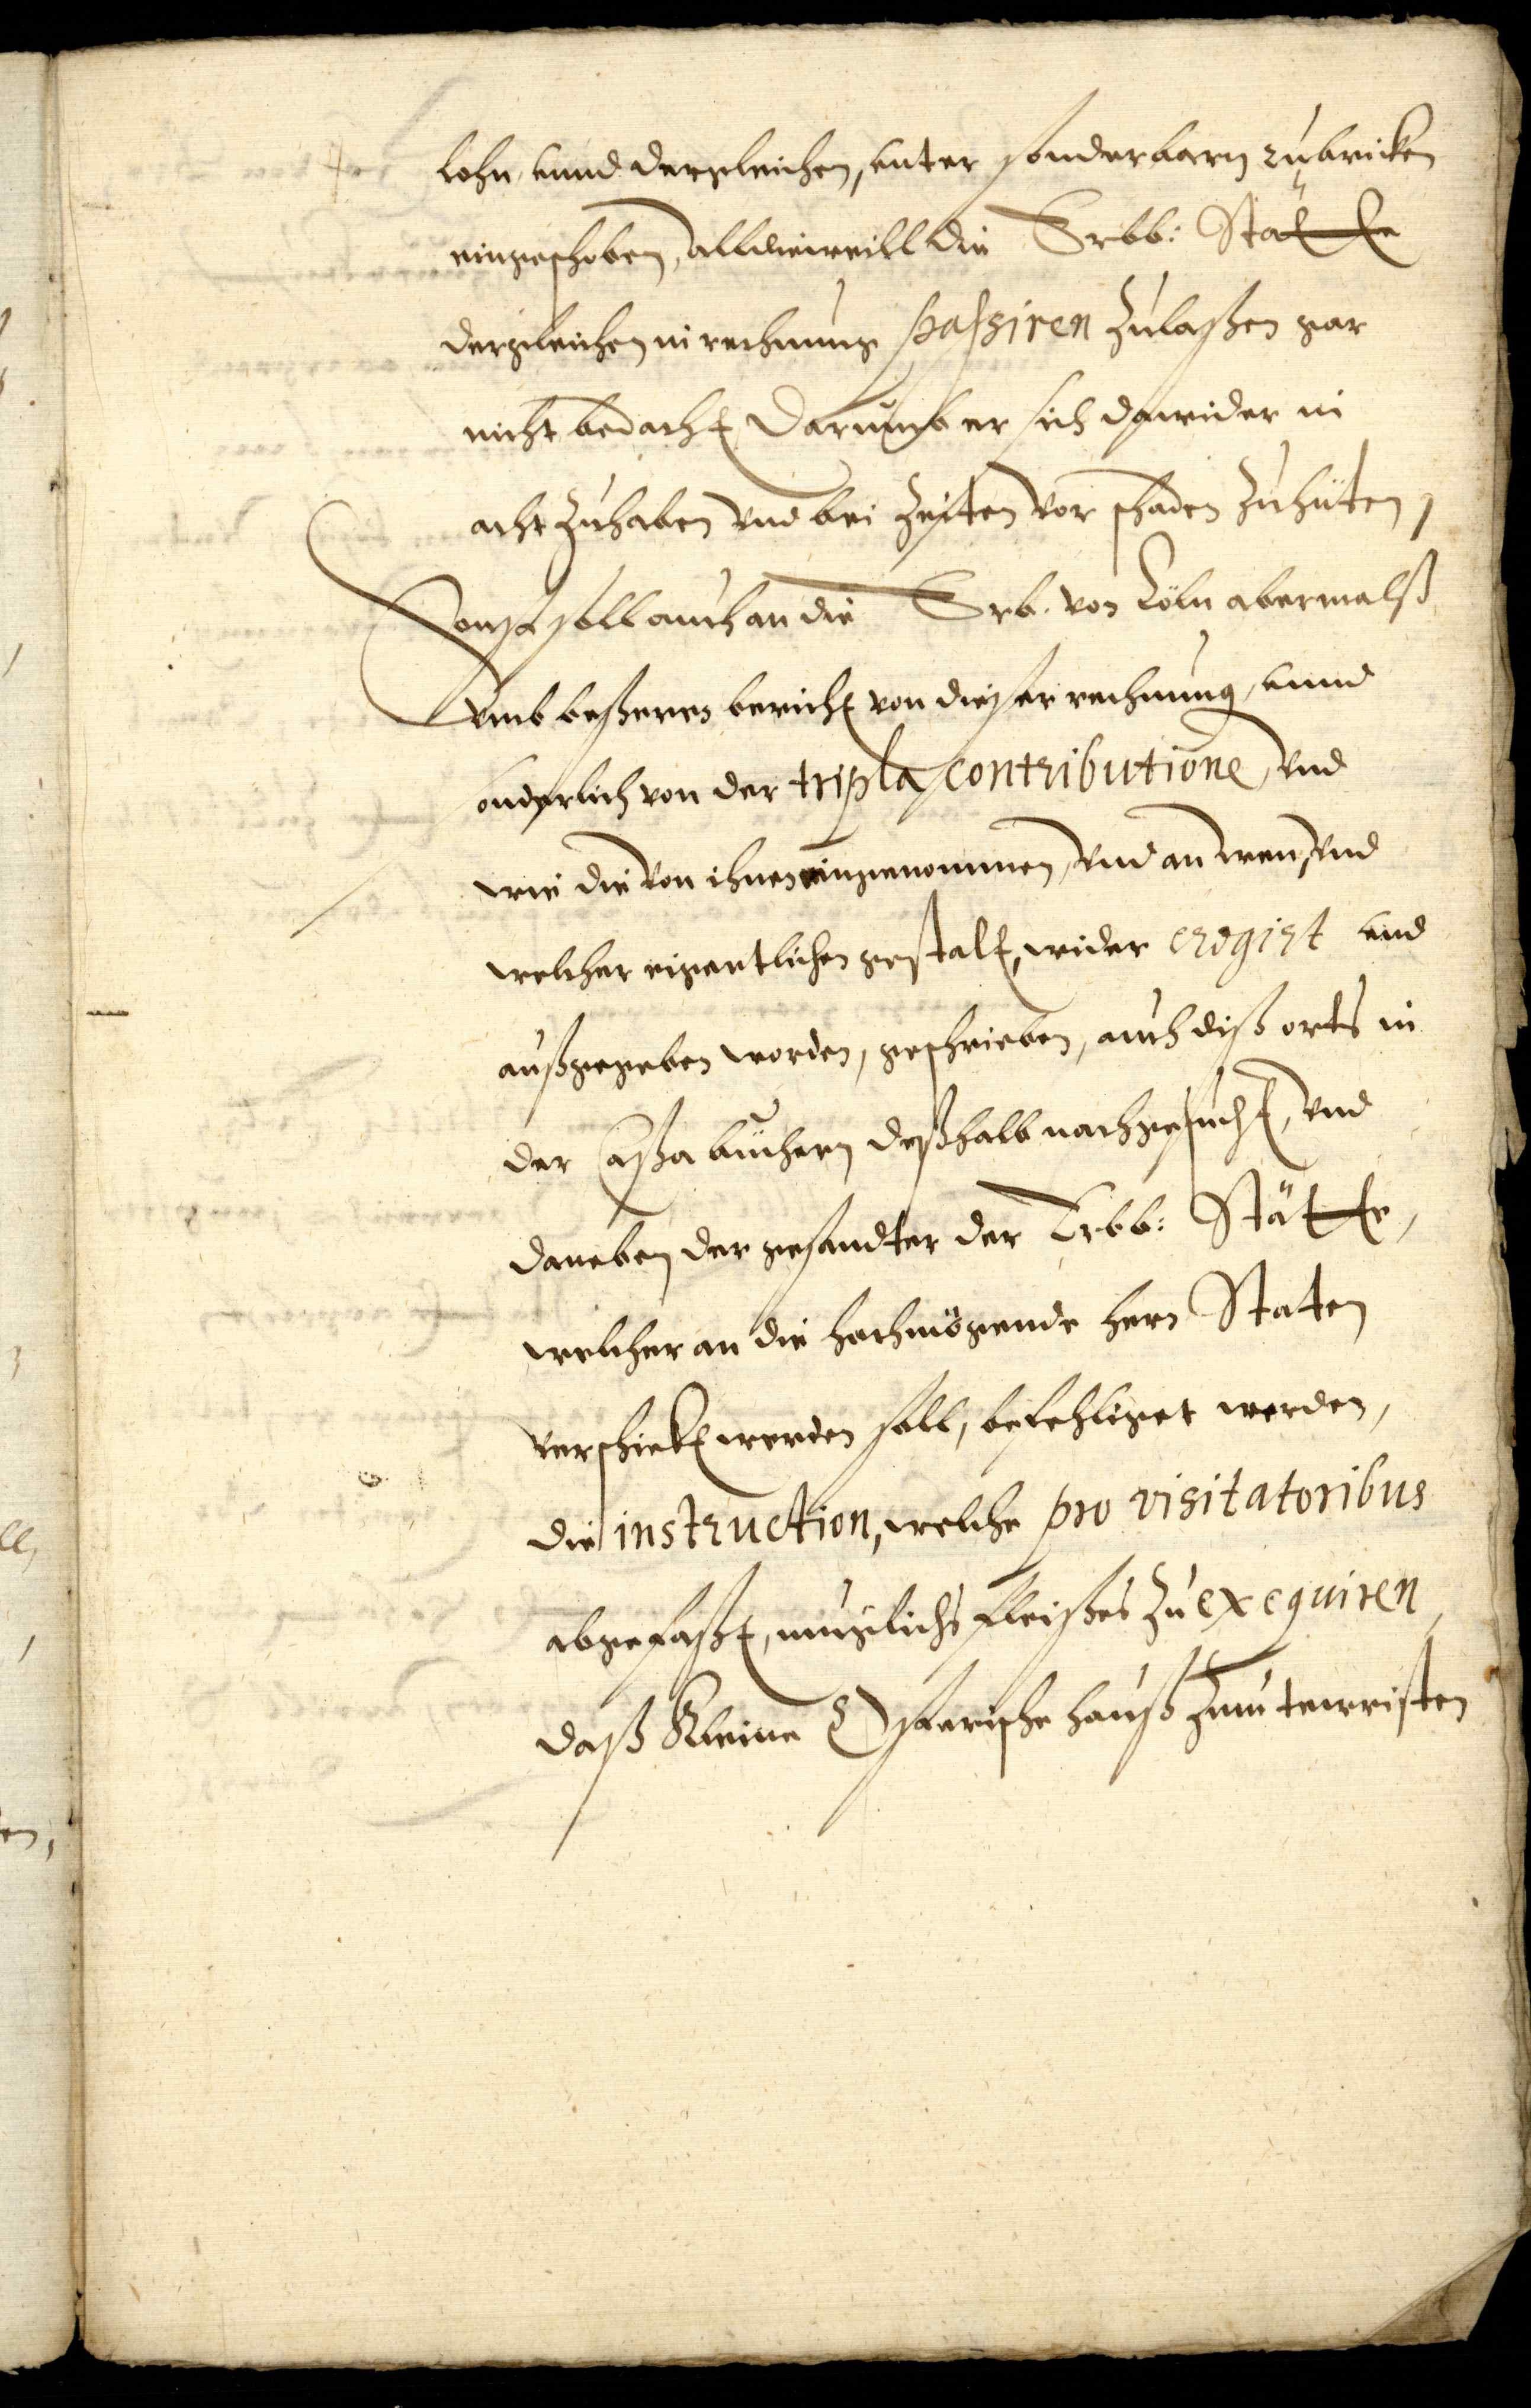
lohn vnnd dergleichen, vnter sonderbarn rubriken
eingeschoben, alldieweill die Erbb: Stätte
dergleichen in rechnung passiren Zulaßen gar
nicht bedacht Darumb er sich dawider in
acht Zuhaben vnd bei Zeiten Vor schaden Zuhüten,
Sonst soll auch an die Erb. von Cöln abermalß
vmb beßeren bericht von dieser rechnung, vnnd
sonderlich vonder tripla contributione, Vnd
wie die Von ihnen eingenommen, Vnd an Wen Vnd
welcher eigentlichen gestalt, wider erogirt vnd
außgegeben worden, geschrieben, auch diß orts in
der Caßa büchern deßhalb nachgesucht, Vnd
daneben der gesandter der Erbb: Stätte,
welcher an die hochmögende hern Staten
verschickt werden soll, befehliget werden,
die instruction, welche pro visitatoribus
abgefaßt, muglichs fleißes Zu exequiren
daß Kleine Osterische hauß Zum tewristen
